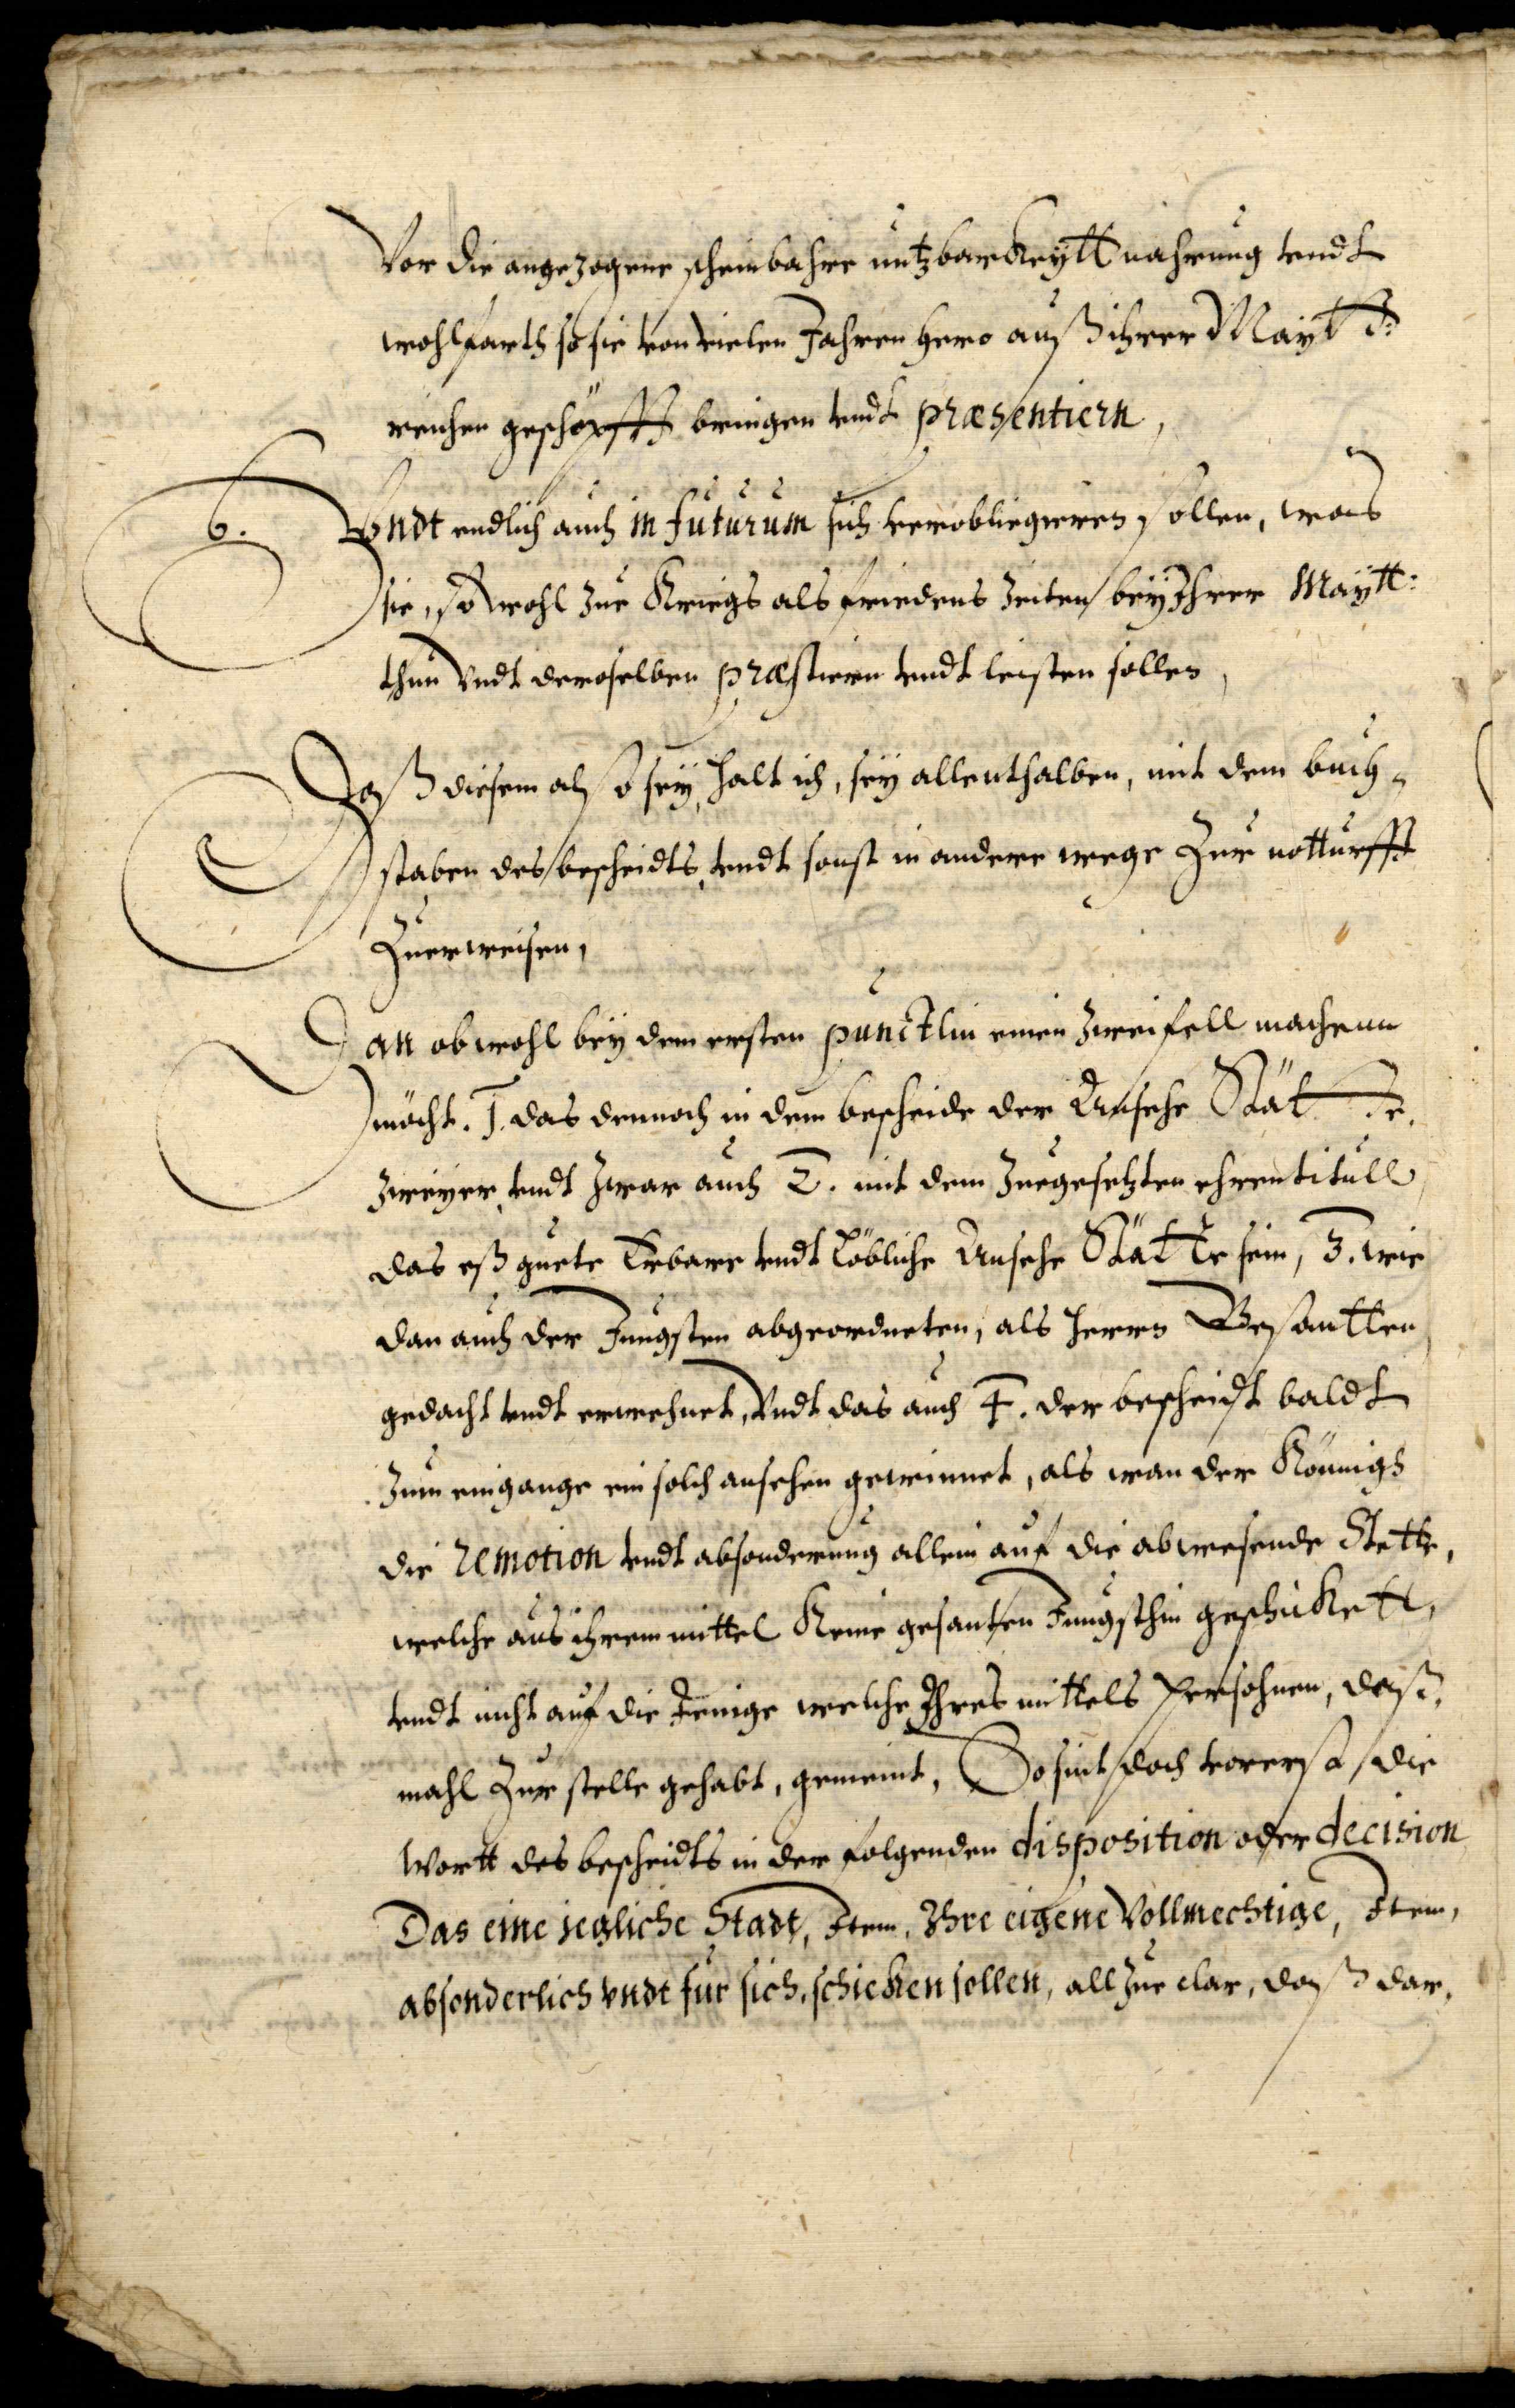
Vor die angezogene scheinbahre nutzbarkeijtt nahrung vndt
wohlfarth so sie von vielen Jahren hero auß ihrer Maijtt:
reichen geschöpfft bringen vndt praesentiern,
Undt endlich auch in futurum sich verobliegieren sollen, was
sie, so wohl zue Kriegs als friedens zeiten beij Ihrer Maijtt:
thun Vndt deroselben praestiern vndt leisten sollen,
Daß diesem also seij, halt ich, seij allenthalben, mit dem buch¬
staben des bescheidts, vndt sonst in andere wege zur notturfft
zuerweisen,
Dan obwohl beij dem ersten punctlin einen zweifell machenn
möcht. 1. das dennoch in dem bescheide der Ansehe Stätte,
zweijer vndt zwar auch 2. mit dem zuegesetzten ehrentitull
das eß guete Erbare vndt Löbliche Ansehe Stätte sein, 3. wie
dan auch der Jungsten abgeordneten, als herrn Gesantten,
gedacht vndt erwehnet, Vndt das auch 4. der bescheidt baldt
zum eingange ein solch ansehen gewinnet, als wan der Könnigh
die remotion vndt absonderung allein auf die abwesende Stette,
welche aus ihrem mittel Keine gesanten Jungsthin geschickett,
vndt nicht auf die Jenige welche Ihres mittels Persohnen, daß¬
mahl zur stelle gehabt, gemeint, So sint doch vorerst die
Wortt des bescheidts in der folgenden disposition oder decision
Das eine jegliche Stadt, Item, Ihre eigene Vollmechtige, Item,
absonderlich vndt fur sich, schicken sollen, all zue clar, daß dar¬
6.
